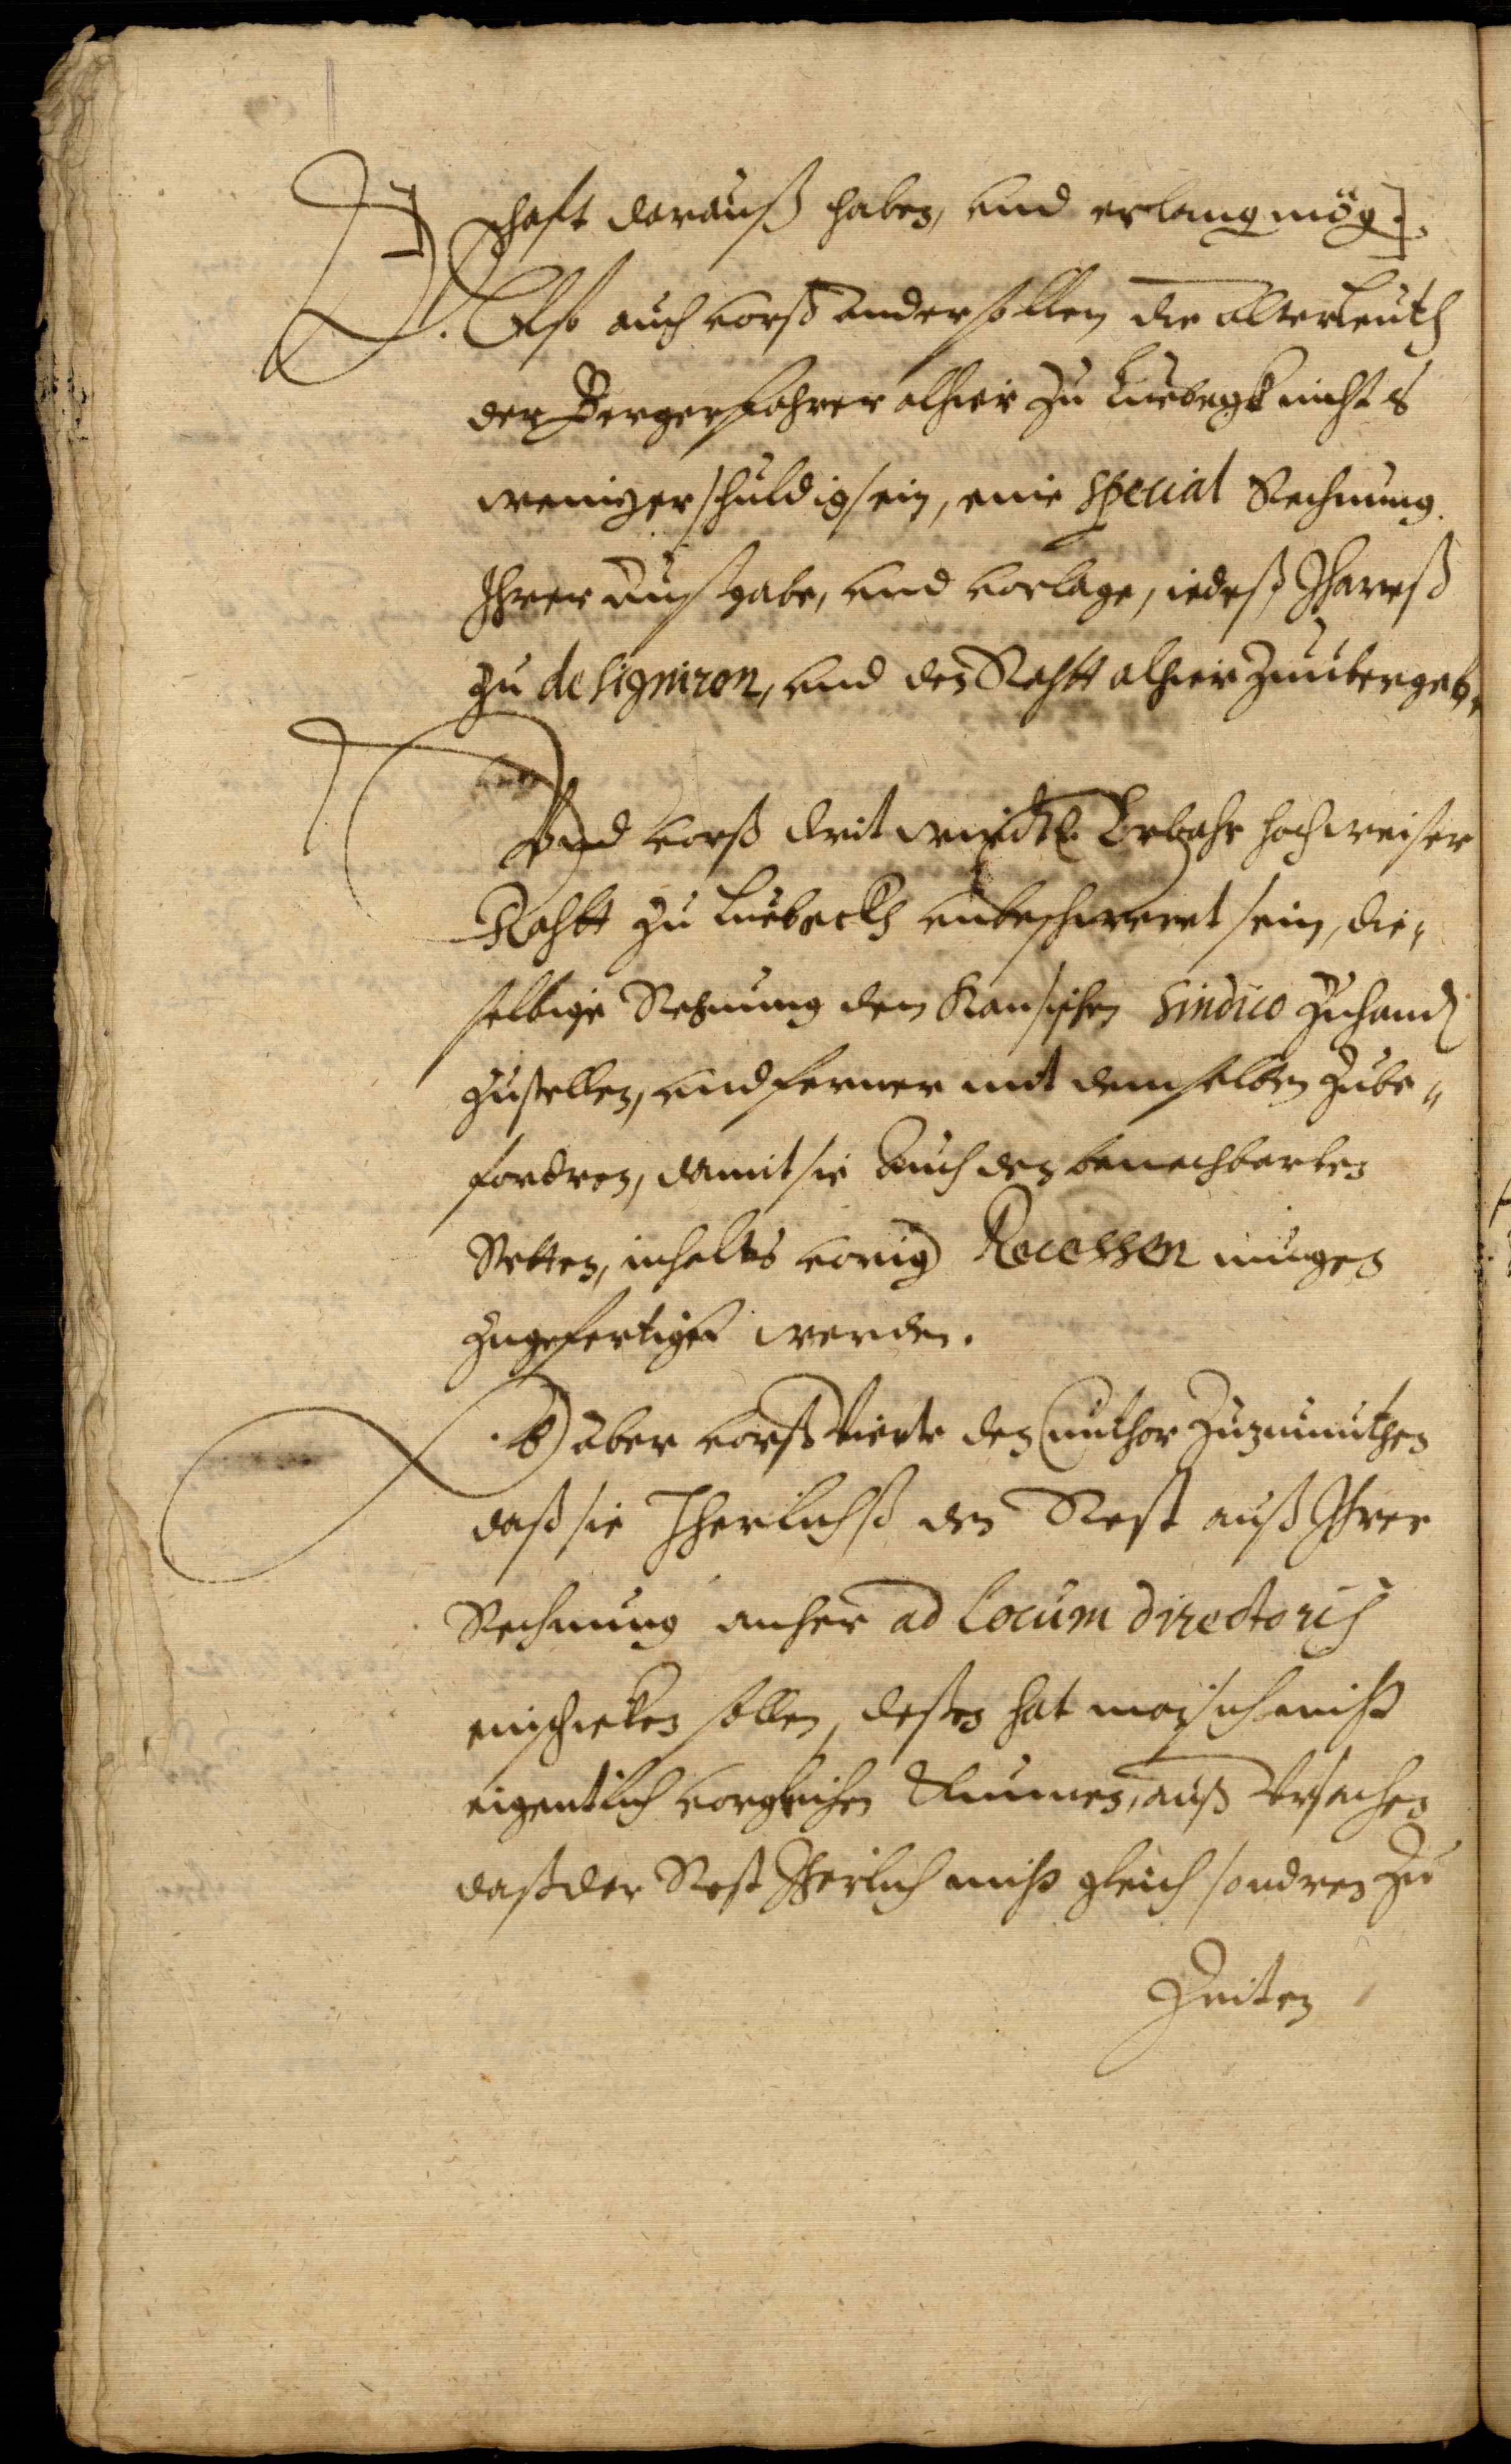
] schaft darauß haben, vnd erlangen mögen ]
Also auch vorß Ander sollen die alterleuth
der Bergerfahrer alhier zu Luebegk nichts
weniger schuldig sein, eine special Rechnung
Ihrer Außgabe, vnd vorlage, iedeß Jhareß
zu designiren, vnd den Rahtt alhier zuubergeben
Vnd vorß drit wirdt E. Erbahr hochweiser
Rahtt zu Luebeck vnbeschweret sein, die¬
selbige Rechnung dem Hansischen Sindico zuhanden
zustellen, vnd ferner mit demselben zube¬
fordren, damit sie Auch den benachbarten
Stetten, inhalts voriger Recessen mugen
zugefertiget werden.
Ob aber vorß Vierte dem Cunthor zuzumuthen
daß sie Jherlichß den Rest auß Ihrer
Rechnung anher ad locum directoris
einschicken sollen, deßen hat man sich nicht
eigentlich vorglichen kunnen, auß Vrsachen
daß der Rest Iherlich nicht gleich sondren zu
zeiten
